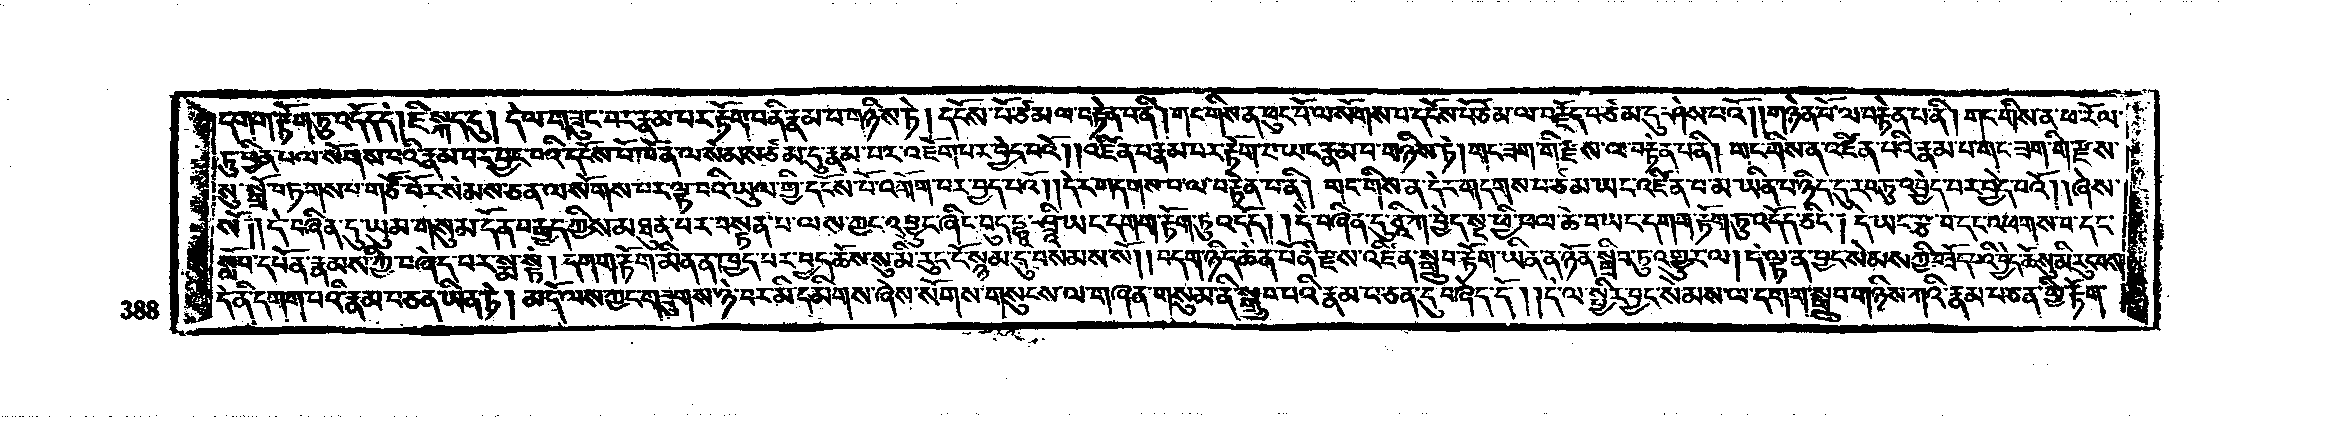དེ་དག་རྟག་ཏུ་འདོད་དེ། ཇི་སྐད་དུ། དེ་ལ་གཟུང་བར་རྣམ་པར་རྟོག་པ་ནི་རྣམ་པ་གཉིས་ཏེ། དངོས་པོ་ཙམ་ལ་བརྟེན་པ་ནི། གང་གིས་ན་ཕུང་པོ་ལ་སོགས་པ་དངོས་པོ་ཙམ་ལ་བརྗོད་པ་ཙམ་དུ་ཤེས་པའོ། །གཉེན་པོ་ལ་བརྟེན་པ་ནི། གང་གིས་ཆ་ཕ་རོལ་
ཏུ་ཕྱིན་པ་ལ་སོགས་པའི་རྣམ་པར་བྱང་བའི་དངོས་པོ་ཁོ་ན་ལ་སེམས་ཙམ་དུ་རྣམ་པར་འཇོག་པར་བྱེད་པའོ། །འཛིན་པ་རྣམ་པར་རྟོག་པ་ཡང་རྣམ་པ་གཉིས་ཏེ། གང་ཟག་གི་རྫས་ལ་བརྟེན་པ་ནི། གང་གིས་ན་འཛིན་པའི་རྣམ་པ་གང་ཟག་གི་རྫས་
སུ་སྒྲོ་བཏགས་པ་གཙོ་བོར་སེམས་ཅན་ལ་སོགས་པར་ལྟ་བའི་ཡུལ་གྱི་དངོས་པོ་འགོག་པར་བྱེད་པའོ། །དེར་གདགས་པ་ལ་བརྟེན་པ་ནི། གང་གིས་ན་དེར་གདགས་པ་ཙམ་ཡང་འཛིན་པ་མ་ཡིན་པ་ཉིད་དུ་རབ་ཏུ་འབྱེད་པར་བྱེད་པའོ། །ཞེས་
སོ། །དེ་བཞིན་དུ་ཡུམ་གསུམ་དོན་བརྒྱད་ཀྱིས་མཐུན་པར་བསྟན་པ་ལས་ཀྱང་འབྱུང་ཞིང་བུད་དྷཱ་ཤྲཱི་ཡང་དགག་རྟོག་ཏུ་འདོད། །དེ་བཞིན་དུ་ཊཱི་ཀ་བྱེད་སྡེ་ཕྱི་ཕལ་ཆེ་བ་ཡང་དགག་རྟོག་ཏུ་འདོད་ཅིང་། དེ་ཡང་རྩ་བ་དང་འཕགས་པ་དང་
སློབ་དཔོན་རྣམས་ཀྱི་བཞེད་པར་སྨ་སྟེ། དགག་རྟོག་མིན་ན་ཁྱད་པར་བྱད་ཆོས་སུ་མི་རུང་ངོ་སྙམ་དུ་བསམས་སོ། །བདག་ཉིད་ཆེན་པོ་ནི་རྫས་འཛིན་སྒྲུབ་རྟོག་ཡིན་ན་ཉོན་སྒྲིབ་ཏུ་འགྱུར་ལ། དེ་ལྟ་ན་བྱང་སེམས་ཀྱི་བཟོད་པའི་བྱེད་ཆོས་སུ་མི་རུང་བས་
དེ་ནི་དགག་པའི་རྣམ་པ་ཅན་ཡིན་ཏེ། མདོ་ལས་ཀྱང་གཟུགས་ཉེ་བར་མི་དམིགས་ཞེས་སོགས་གསུངས་ལ་གཞན་གསུམ་ནི་སྒྲུབ་པའི་རྣམ་པ་ཅན་དུ་བཞེད་དོ། །དེ་ལ་སྤྱིར་བྱང་སེམས་ལ་དགག་སྒྲུབ་གཉིས་ཀའི་རྣམ་པ་ཅན་གྱི་རྟོག་